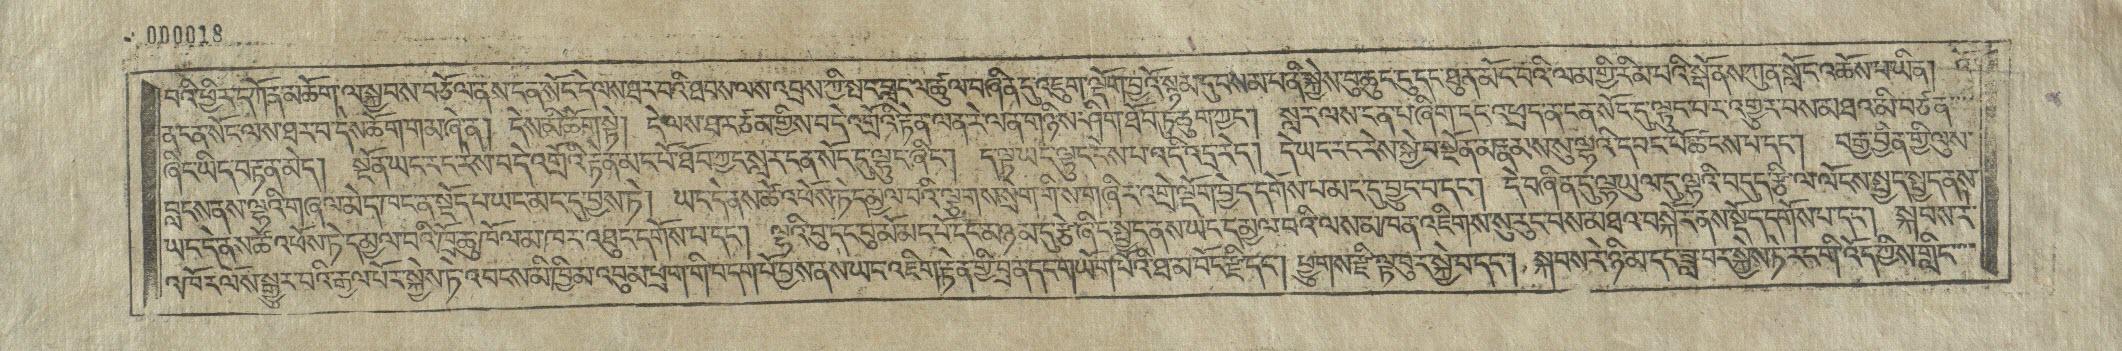བའི་ཕྱིར་དཀོན་མཆོག་ལ་སྐྱབས་བཅོལ་ནས་ངན་སོང་དེ་ལས་ཐར་བའི་ཐབས་ལས་འབྲས་ཀྱི་སྤང་བླང་ལ་ཚུལ་བཞིན་དུ་འཇུག་ལྡོག་བྱའོ་སྙམ་དུ་བསམ་པ་ནི་སྐྱེས་བུ་ཆུང་ངུ་དང་ཐུན་མོང་བའི་ལམ་གྱི་རིམ་པའི་སྒོ་ནས་ཀུན་སློང་འཆོས་པ་ཡིན། འོ་
ན་ངན་སོང་ལས་ཐར་བ་དེས་ཆོག་གམ་ཞེ་ན། དེས་མི་ཆོག་སྟེ། དེ་ལས་ཐར་ཙམ་གྱིས་བདེ་འགྲོའི་རྟེན་ལན་རེ་ལན་གཉིས་ཤིག་ཐོབ་ཏུ་ཆུག་ཀྱང་། སླར་ལས་ངན་པ་ཞིག་དང་འཕྲད་ན་ངན་སོང་དུ་ལྟུང་བར་འགྱུར་བས་མཐའ་མི་བཙན་
ཞིང་ཡིད་བརྟན་མེད། སྔོན་ཡང་རང་རེས་བདེ་འགྲོའི་རྟེན་མང་པོ་ཐོབ་ཀྱང་སླར་ངན་སོང་དུ་ལྷུང་ཞིང་། ད་ལྟ་ཡང་ལྟུང་ངེས་པ་འདི་འདྲ་རེད། དེ་ཡང་རང་རེས་སྐྱེ་བ་སྔོན་མ་རྣམས་སུ་ལྷའི་དབང་པོ་ཚངས་པ་དང་། བརྒྱ་བྱིན་གྱི་ལུས་
བླངས་ནས་ལྷའི་གཞལ་མེད་ཁང་ན་སྡོད་པ་ཡང་མང་དུ་བྱས་ཏེ། ཡང་དེ་ནས་ཚེ་འཕོས་ཏེ་དམྱལ་བའི་ལྕགས་སྲེག་གི་ས་གཞིར་འགྲེ་ལྡོག་བྱེད་དགོས་པ་མང་དུ་བྱུང་བ་དང་། དེ་བཞིན་དུ་ལྷ་ཡུལ་དུ་ལྷའི་བདུད་རྩི་ལ་ལོངས་སྤྱད་སྤྱད་ནས་
ཡང་དེ་ནས་ཚེ་འཕོས་ཏེ་དམྱལ་བའི་ཁྲོ་ཆུ་ཁོལ་མ་ཁར་འཐུང་དགོས་པ་དང་། ལྷའི་བུ་དང་བུ་མོ་མང་པོ་དང་མཉམ་དུ་རྩེ་ཞིང་སྤྱད་ནས་ཡང་དམྱལ་བའི་ལས་མཁན་འཇིགས་སུ་རུང་བས་མཐའ་བསྐོར་ནས་སྡོད་དགོས་པ་དང་། སྐབས་རེ་
འཁོར་ལོས་སྒྱུར་བའི་རྒྱལ་པོར་སྐྱེས་ཏེ་འབངས་མི་ཁྱིམ་འབུམ་ཕྲག་གི་བདག་པོ་བྱས་ནས་ཡང་འཇིག་རྟེན་གྱི་བྲན་དང་གཡོག་པོའི་ཐ་མ་བོང་རྫི་དང་། ཕྱུགས་རྫི་ལྟ་བུར་སྐྱེ་བ་དང་། སྐབས་རེ་ཉི་མ་དང་ཟླ་བར་སྐྱེས་ཏེ་རང་གི་འོད་ཀྱིས་གླིང་